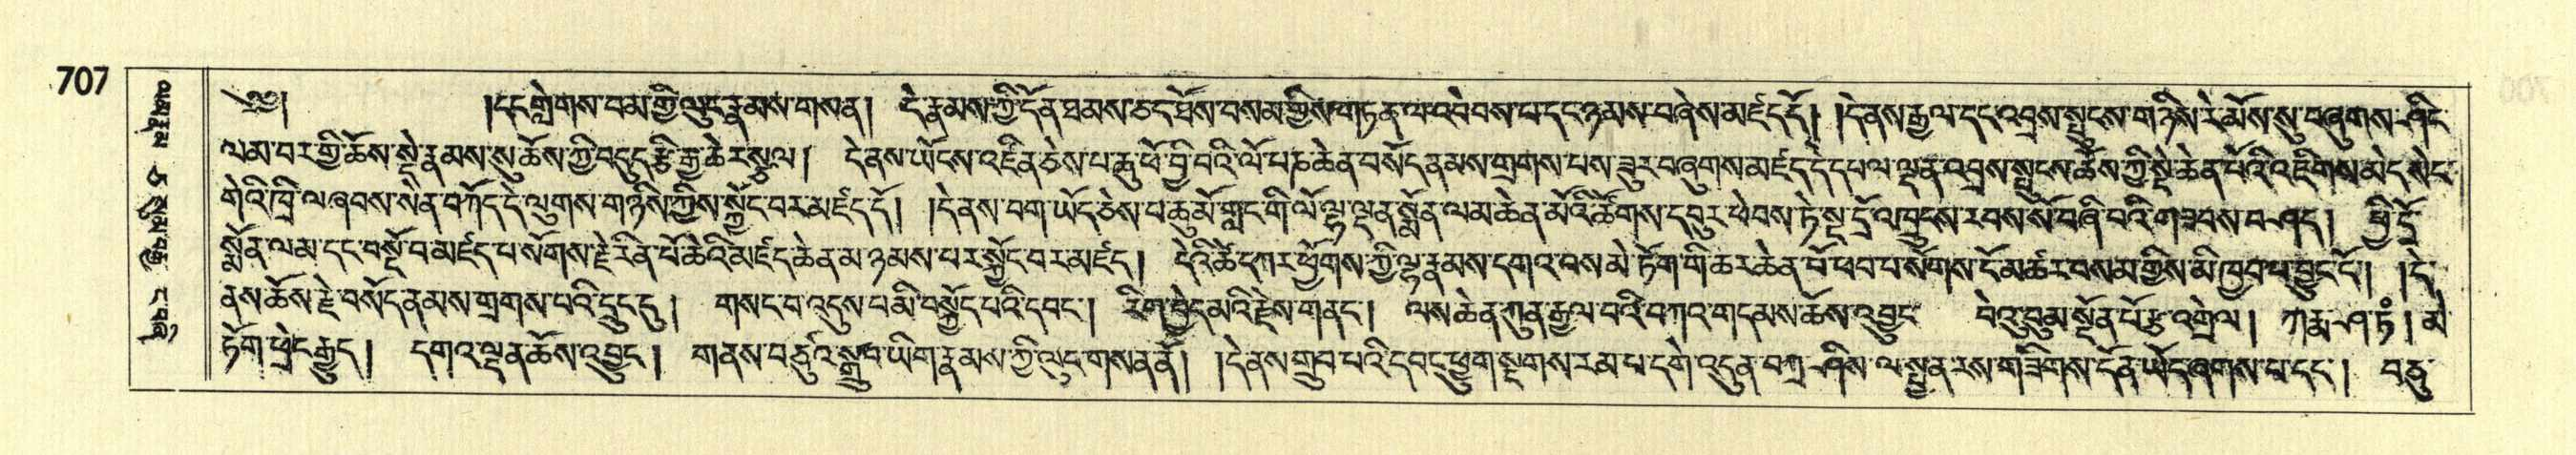༄༅། །དང་གླེགས་བམ་གྱི་ལུང་རྣམས་གསན། དེ་རྣམས་ཀྱི་དོན་ཐམས་ཅད་ཐོས་བསམ་གྱིས་གཏན་ལ་འབེབས་པ་དང་ཉམས་བཞེས་མཛད་དོ། །དེ་ནས་རྒྱལ་དང་འབྲས་སྤུངས་གཉིས་རེ་མོས་སུ་བཞུགས་ཤིང་
ལམ་བར་གྱི་ཆོས་སྡེ་རྣམས་སུ་ཆོས་ཀྱི་བདུད་རྩི་རྒྱ་ཆེར་སྩལ། དེ་ནས་ཡོངས་འཛིན་ཅེས་པ་ཆུ་ཕོ་བྱི་བའི་ལོ་པཎ་ཆེན་བསོད་ནམས་གྲགས་པས་ཟུར་བཞུགས་མཛད་དེ་དཔལ་ལྡན་འབྲས་སྤུངས་ཆོས་ཀྱི་སྡེ་ཆེན་པོའི་འཇིགས་མེད་སེང་
གེའི་ཁྲི་ལ་ཞབས་སེན་བཀོད་དེ་ལུགས་གཉིས་ཀྱིས་སྐྱོང་བར་མཛད་དོ། །དེ་ནས་བག་ཡོད་ཅེས་པ་ཆུ་མོ་གླང་གི་ལོ་ལྷ་ལྡན་སྨོན་ལམ་ཆེན་མོའི་ཚོགས་དབུར་ཕེབས་ཏེ་སྔ་དྲོ་འཁྲུངས་རབས་སོ་བཞི་བའི་གཟབས་བཤད། ཕྱི་དྲོ་
སྨོན་ལམ་དང་བསྔོ་བ་མཛད་པ་སོགས་རྗེ་རིན་པོ་ཆེའི་མཛད་ཆེན་མ་ཉམས་པར་སྐྱོང་བར་མཛད། དེའི་ཚེ་དཀར་ཕྱོགས་ཀྱི་ལྷ་རྣམས་དགའ་བས་མེ་ཏོག་གི་ཆར་ཆེན་པོ་ཕབ་པ་སོགས་ངོ་མཚར་བསམ་གྱིས་མི་ཁྱབ་པ་བྱུང་ངོ། །དེ་
ནས་ཆོས་རྗེ་བསོད་ནམས་གྲགས་པའི་དྲུང་དུ། གསང་བ་འདུས་པ་མི་བསྐྱོད་པའི་དབང་། རིག་བྱེད་མའི་རྗེས་གནང་། ལས་ཆེན་ཀུན་རྒྱལ་བའི་བཀའ་གདམས་ཆོས་འབྱུང་བེའུ་བུམ་སྔོན་པོ་རྩ་འགྲེལ། ཀརྨ་ཤ་ཏཾ། མེ་
ཏོག་ཕྲེང་རྒྱུད། དགའ་ལྡན་ཆོས་འབྱུང་། གནས་བཙུའ་སྒྲུབ་ཡིག་རྣམས་ཀྱི་ལུང་གསན་ནོ། །དེ་ནས་གྲུབ་པའི་དབང་ཕྱུག་སྔགས་རམ་པ་དགེ་འདུན་བཀྲ་ཤིས་ལ་སྤྱན་རས་གཟིགས་དོན་ཡོད་ཞགས་པ་དང་། བཅུ་